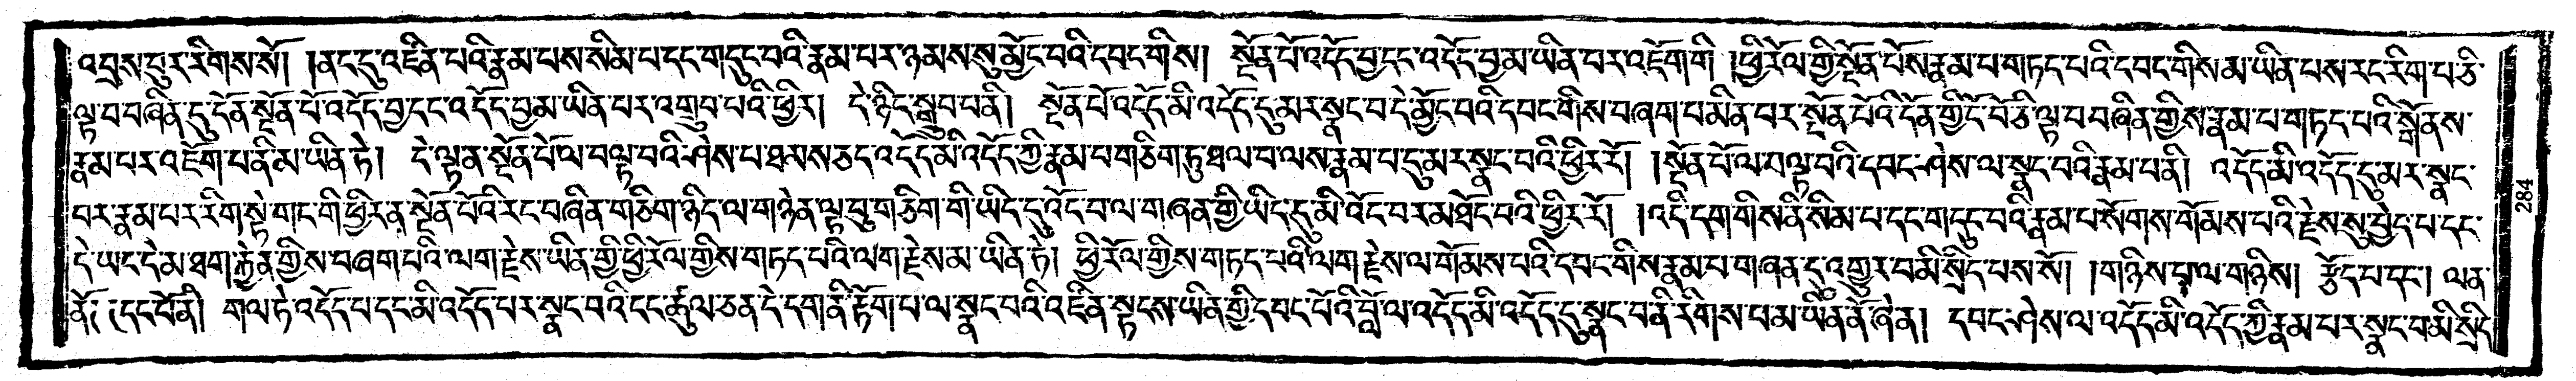འབྲས་བུར་རིགས་སོ། །ནང་དུ་འཛིན་པའི་རྣམ་པས་སིམ་པ་དང་གདུང་བའི་རྣམ་པར་ཉམས་སུ་མྱོང་བའི་དབང་གིས། སྔོན་པོ་འདོད་བྱ་དང་འདོད་བྱ་མ་ཡིན་པར་འཇོག་གི །ཕྱི་རོལ་གྱི་སྔོན་པོས་རྣམ་པ་གཏད་པའི་དབང་གིས་མ་ཡིན་པས་རང་རིག་པ་ཅི་
ལྟ་བ་བཞིན་དུ་དོན་སྔོན་པོ་འདོད་བྱ་དང་འདོད་བྱ་མ་ཡིན་པར་འགྲུབ་པའི་ཕྱིར། དེ་ཉིད་སྒྲུབ་པ་ནི། སྔོན་པོ་འདོད་མི་འདོད་དུ་མར་སྣང་བ་དེ་མྱོང་བའི་དབང་གིས་བཞག་པ་མིན་པར་སྔོན་པོའི་དོན་གྱི་ངོ་བོ་ཅི་ལྟ་བ་བཞིན་གྱིས་རྣམ་པ་གཏད་པའི་སྒོ་ནས་
རྣམ་པར་འཇོག་པ་ནི་མ་ཡིན་ཏེ། དེ་ལྟ་ན་སྔོན་པོ་ལ་བལྟ་བའི་ཤེས་པ་ཐམས་ཅད་འདོད་མི་འདོད་ཀྱི་རྣམ་པ་གཅིག་ཏུ་ཐལ་བ་ལས་རྣམ་པ་དུ་མར་སྣང་བའི་ཕྱིར་རོ། །སྔོན་པོ་ལ་བལྟ་བའི་དབང་ཤེས་ལ་སྣང་བའི་རྣམ་པ་ནི། འདོད་མི་འདོད་དུ་མར་སྣང་
བར་རྣམ་པར་རིག་སྟེ་གང་གི་ཕྱིར་ན་སྔོན་པོའི་རང་བཞིན་གཅིག་ཉིད་ལ་གཉེན་ལྟ་བུ་གཅིག་གི་ཡིད་དུ་འོང་བ་ལ་གཞན་གྱི་ཡིད་དུ་མི་འོང་བར་མཐོང་བའི་ཕྱིར་རོ། །འདི་དག་གིས་ནི་སིམ་པ་དང་གདུང་བའི་རྣམ་པ་སོགས་གོམས་པའི་རྗེས་སུ་བྱེད་པ་དང་
དེ་ཡང་དེ་མ་ཐག་རྐྱེན་གྱིས་བཞག་པའི་ལག་རྗེས་ཡིན་གྱི་ཕྱི་རོལ་གྱིས་གཏད་པའི་ལག་རྗེས་མ་ཡིན་ཏེ། ཕྱི་རོལ་གྱིས་གཏད་པའི་ལག་རྗེས་ལ་གོམས་པའི་དབང་གིས་རྣམ་པ་གཞན་དུ་འགྱུར་བ་མི་སྲིད་པས་སོ། །གཉིས་པ་ལ་གཉིས། རྩོད་པ་དང་། ལན་
ནོ། །དང་པོ་ནི། གལ་ཏེ་འདོད་པ་དང་མི་འདོད་པར་སྣང་བའི་ངང་ཚུལ་ཅན་དེ་དག་ནི་རྟོག་པ་ལ་སྣང་བའི་འཛིན་སྟངས་ཡིན་གྱི་དབང་པོའི་བློ་ལ་འདོད་མི་འདོད་དུ་སྣང་བ་ནི་རིགས་པ་མ་ཡིན་ནོ་ཞེ་ན། དབང་ཤེས་ལ་འདོད་མི་འདོད་ཀྱི་རྣམ་པར་སྣང་བ་མི་སྲིད་